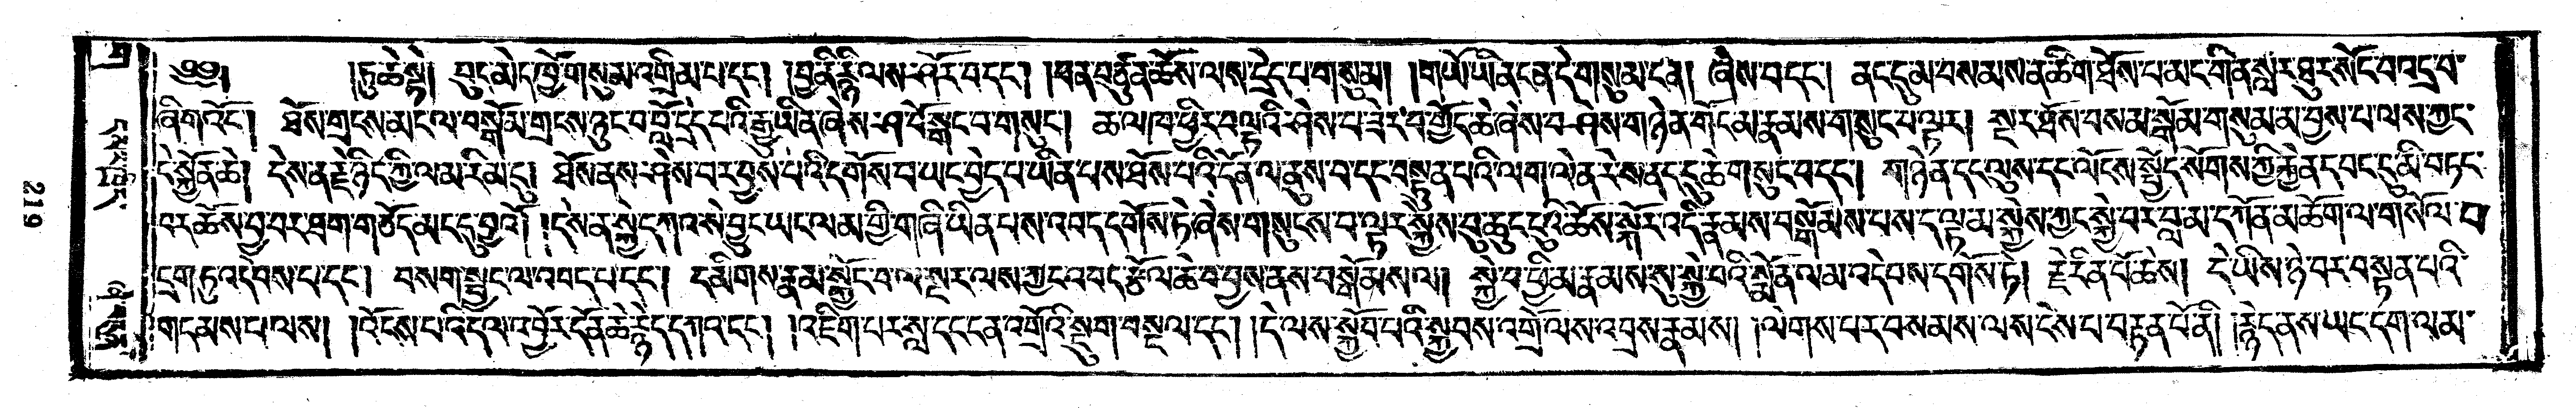༄༅། །ཏུ་ཆེ་སྟེ། བུད་མེད་ཁྱོ་གསུམ་འགྲིམ་པ་དང་། །བྱ་ནི་རྙི་ལས་ཤོར་བ་དང་། །ཕན་བཙུན་ཆོས་ལས་དྲེད་པ་གསུམ། །གཡོ་ཡི་ནང་ན་དེ་གསུམ་ངན། ཞེས་པ་དང་། ནང་དུ་མ་བསམས་ན་ཚིག་ཐོས་པ་མང་གི་ན་སླར་ཐུར་སོང་བ་འདྲ་བ་
ཞིག་འོང་། ཐོས་གྲངས་མང་ལ་བསྒོམ་གྲངས་ཉུང་བ་བློ་དྲེད་པའི་རྒྱུ་ཡིན་ཞེས་ཤ་བོ་སྒང་བ་གསུང་། ཆ་ལ་ཁ་ཕྱིར་བ་ལྟའི་ཤེས་པ་ཟེར་བ་གྱོད་ཆེ་ཞེས་བཤེས་གཉེན་གོང་མ་རྣམས་གསུང་པ་ལྟར། སྔར་ཐོས་བསམ་སྒོམ་གསུམ་མ་བྱས་པ་ལས་ཀྱང་
དེ་སྐྱོན་ཆེ། དེས་ན་རྗེ་ཉིད་ཀྱི་ལམ་རིམ་དུ། ཐོས་ནས་ཤེས་པར་བྱས་པའི་དགོས་པ་ཡང་བྱེད་པ་ཡིན་པས་ཐོས་པའི་དོན་ལ་ནུས་བ་དང་བསྟུན་པའི་ལག་ལེན་རེ་ས་དང་དུ་ཆེ་གསུང་བ་དང་། གཉེན་དང་ལུས་དང་ལོངས་སྤྱོད་སོགས་ཀྱི་རྐྱེན་དབང་དུ་མི་བཏང་
བར་ཆོས་བྱ་བར་ཐག་གཅོད་མང་དུ་བྱའོ། །དེས་ན་སྐྱེ་དཀའ་སེ་བྱུང་ཡང་ལམ་གྱི་གཞི་ཡིན་པས་འབད་དགོས་ཏེ་ཞེས་གསུངས་པ་ལྟར་སྐྱེས་བུ་ཆུང་ངུའི་ཆོས་སྐོར་འདི་རྣམས་བསྒོམས་པས་ད་ལྟ་མ་སྐྱེས་ཀྱང་སྐྱེ་བར་བླ་མ་དཀོན་མཆོག་ལ་གསོལ་བ་
དྲག་ཏུ་འདེབས་པ་དང་། བསག་སྦྱང་ལ་འབད་པ་དང་། དམིགས་རྣམ་སྐྱོང་བ་ལ་སྔར་ལས་ཀྱང་འབད་རྩོལ་ཆེ་བ་བྱས་ནས་བསྒོམས་ལ། སྐྱེ་བ་ཕྱི་མ་རྣམས་སུ་སྐྱེ་བའི་སྨོན་ལམ་འདེབས་དགོས་ཏེ། རྗེ་རིན་པོ་ཆེས། དེ་ཡིས་ཉེ་བར་བསྟན་པའི་
གདམས་པ་ལས། །འོངས་པའི་དལ་འབྱོར་དོན་ཆེ་རྙེད་དཀའ་དང་། །འཇིགས་པར་སླ་དང་ངན་འགྲོའི་སྡུག་བསྔལ་དང་། །དེ་ལས་སྐྱོབ་པའི་སྐྱབས་འགྲོ་ལས་འབྲས་རྣམས། །ལེགས་པར་བསམས་ལས་ངེས་པ་བརྟན་པོ་ནི། །རྙེད་ནས་ཡང་དག་ལམ་